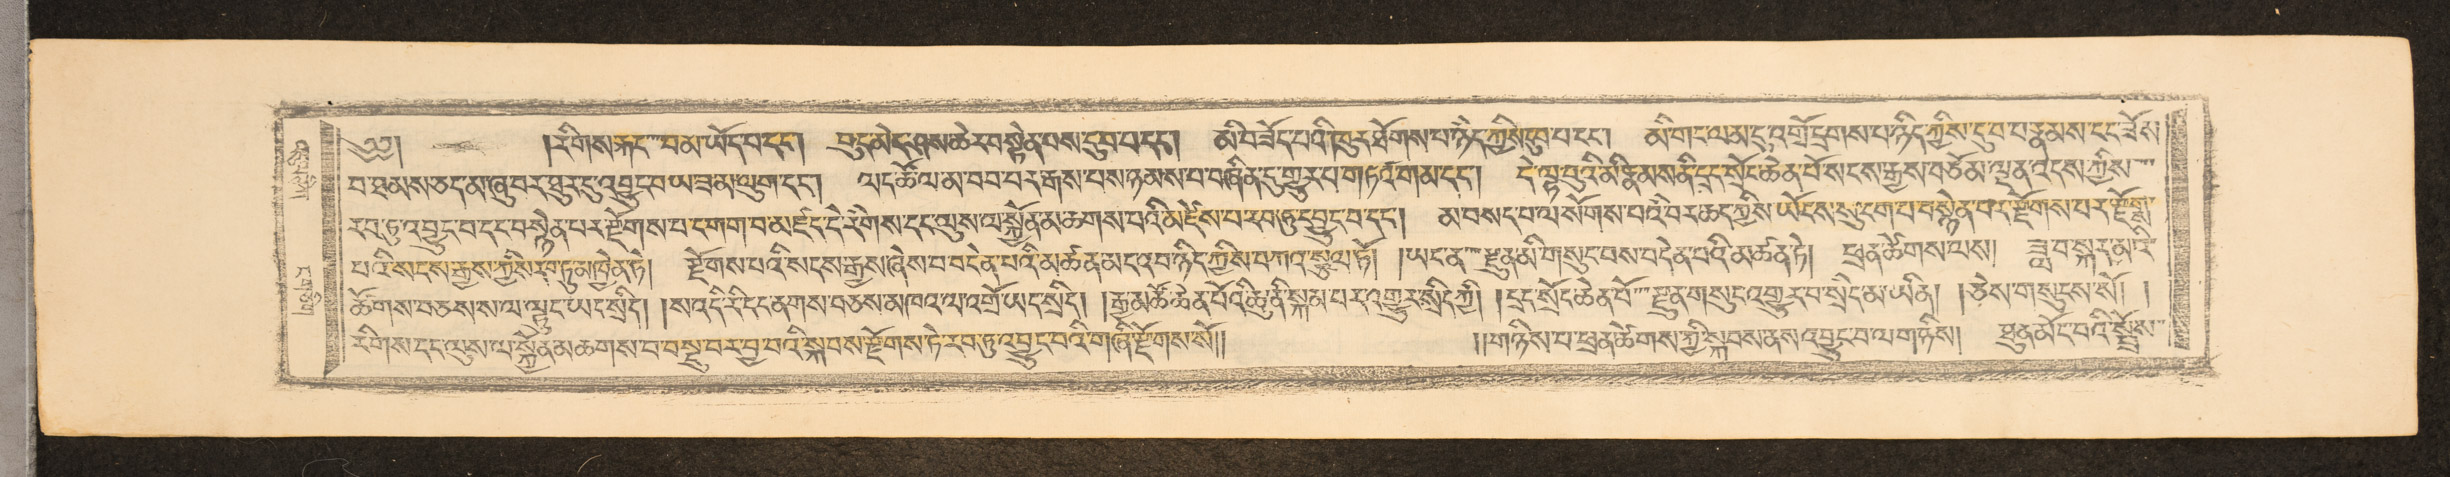༄༅། །རིགས་རྐང་པ་མ་ཡོད་པ་དང་། བུད་མེད་ཤས་ཆེར་བསྟེན་པས་དུབ་པ་དང་། མི་བཟོང་པའི་ཁུར་ཐོགས་པ་ཉིད་ཀྱིས་དུབ་པ་དང་། མི་གང་ལམ་དུ་འགྲོ་དྲགས་པ་ཉིད་ཀྱིས་དུབ་པ་རྣམས་དང་མོས་
པ་ཐམས་ཅད་མ་ཞུ་བར་ཐུར་དུ་འབྱུང་བ་ཡ་ཟ་མ་ལུག་དང་། ལང་ཚོལ་མ་བབ་པར་རྒས་པས་ཉམས་པ་བཞིན་དུ་གྱུར་པ་གཏའ་གམ་དང་། དེ་ལྟ་བུའི་མི་རྣམས་ནི་དྲང་སྲོང་ཆེན་པོ་སངས་རྒྱས་བཅོམ་ལྡན་འདས་ཀྱིས་
རབ་ཏུ་འབྱུང་བ་དང་བསྙེན་པར་རྫོགས་པ་དགག་པ་མཛད་དེ་རིགས་དང་ལུས་ལ་སྐྱོན་མ་ཆགས་པའི་མཛེས་པ་རབ་ཏུ་དབྱུང་བ་དང་། མ་བསད་པ་ལ་སོགས་པའི་བར་ཆད་ཀྱིས་ཡོངས་སུ་དག་པ་བསྙེན་པར་རྫོགས་པར་རྫོགས་
པའི་སངས་རྒྱས་ཀྱིས་རབ་ཏུ་མཁྱེན་ཏེ། རྫོགས་པའི་སངས་རྒྱས་ཞེས་པ་བདེན་པའི་མཚན་མངའ་བ་ཉིད་ཀྱིས་བཀའ་སྩལ་ཏོ། །ཡང་ན་རྫུན་མི་གསུང་བས་བདེན་པའི་མཚན་ཏེ། ཕྲན་ཚེགས་ལས། ཟླ་བ་སྐར་མའི་
ཚོགས་བཅས་ས་ལ་ལྟུང་ཡང་སྲིད། །ས་འདི་རི་དང་ནགས་བཅས་མཁའ་ལ་འགྲོ་ཡང་སྲིང་། །རྒྱ་མཚོ་ཆེན་པོའི་ཆུ་ནི་སྐམ་པར་འགྱུར་སྲིད་ཀྱི། །དྲང་སྲོང་ཆེན་པོ་རྫུན་གསུང་འགྱུར་བ་སྲིད་མ་ཡིན། །ཅེས་གསུངས་སོ། །
རིགས་དང་ལུས་ལ་སྐྱོན་མ་ཆགས་པ་བསྡུ་བར་བྱ་བའི་སྐབས་རྫོགས་ཏེ་རབ་ཏུ་འབྱུང་བའི་གཞི་རྫོགས་སོ།། །།གཉིས་པ་ཕྲན་ཚེགས་ཀྱི་སྐབས་ནས་འབྱུང་བ་ལ་གཉིས། ཐུན་སོང་བའི་སྤྲོས་